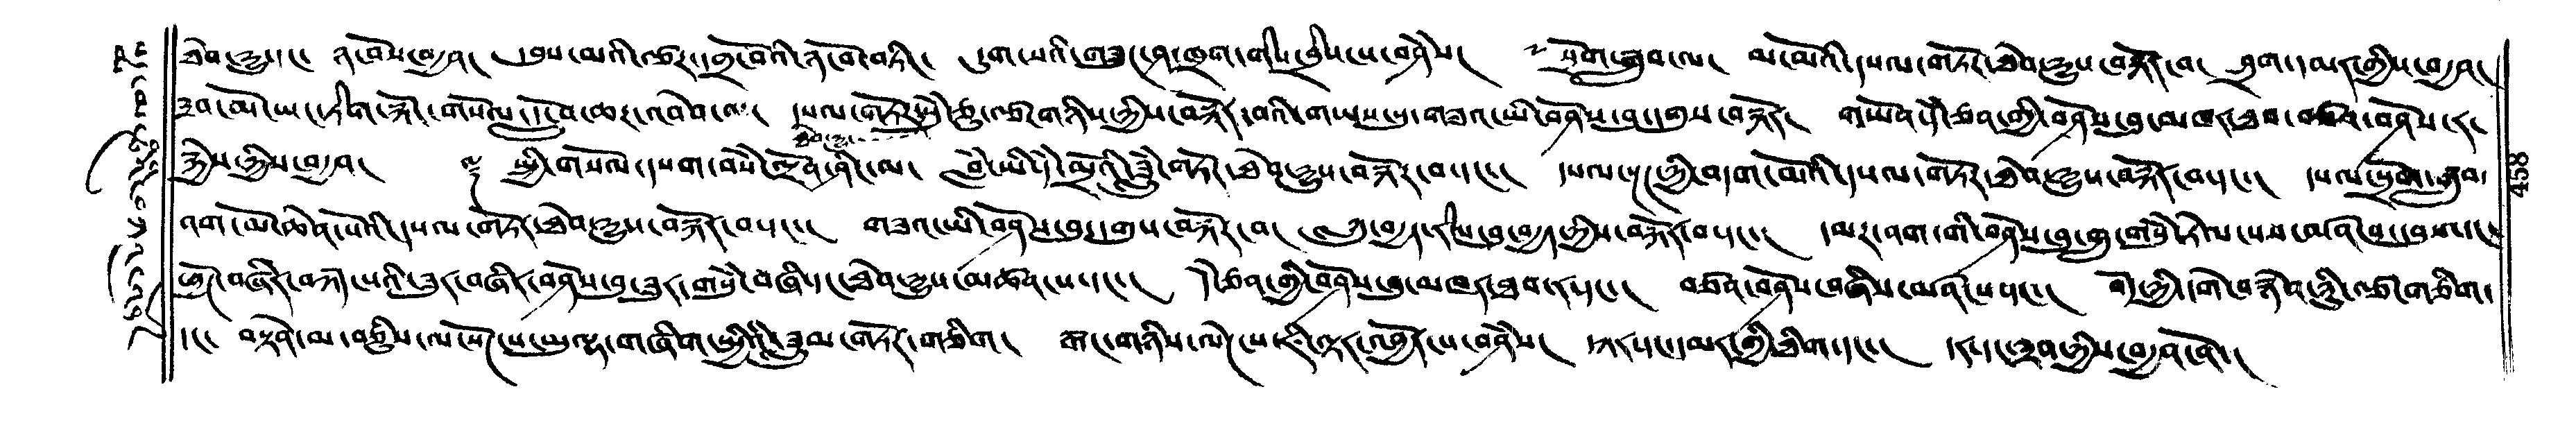མཐེབ་སྐྱུ་དང་། ཉ་བོས་བརྒྱན། དབུས་མའི་རྩར་དགྲ་བོའི་ཉ་བོ་བཏིང་དུག་པའི་གཟུགས་ཤ་ཁྲག་གིས་བྲིས་པ་བཤམ། སྲོག་སྒྲུབ་ལ། མ་མོའི་དཔལ་གཏོར་མཐེབ་སྐྱུ་བསྐོར་བ། ཤ་ཁྲག་དམར་གྱིས་བརྒྱན། 
ཟབ་མོ་ཡང་ཏིག་སྐོང་གསོལ་དངོས་གྲུབ་ཆར་འབེབས་ལ། དཔལ་གཏོར་མཐེབ་སྐྱུ་སུམ་ཅུ་རྩ་གཉིས་ཀྱིས་བསྐོར་བའི་གཡས་སུ་གཟའ་ཡི་བཤོས་བུ་དགུས་བསྐོར། གཡོན་དམ་ཅན་གྱི་བཤོས་བུ་མཁར་ཐབས་བཙན་བཤོས་ར་
སྐྱེས་ཀྱིས་བརྒྱན། ༈ སྤྱི་གསོལ་དཔག་བསམ་ལྗོན་ཤིང་ལ། བླ་མ་ཡི་དམ་མཁའ་འགྲོའི་ཟླུམ་གཏོར་མཐེབ་སྐྱུས་བསྐོར་བ་དང་།དཔལ་སྔགས་ཀྱི་བདག་མོའི་དཔལ་གཏོར་མཐེབ་སྐྱུས་བསྐོར་བ་དང་། དཔལ་སྲོག་སྒྲུབ་
ནག་མོ་ཆེན་མོའི་དཔལ་གཏོར་མཐེབ་སྐྱུས་བསྐོར་བ་དང་། གཟའ་ཡི་བཤོས་བུ་དགུས་བསྐོར་བ། ཀླུ་བརྒྱད་རིལ་བུ་བརྒྱད་ཀྱིས་བསྐོར་བ་དང་། དམར་ནག་གི་བཤོས་བུ་གྲུ་གསུམ་ཏེལ་པས་མཚན་པ་དབུས་དང་། 
ཕྱོགས་བཞིར་བཀོད་པའི་ཟུར་བཞིར་བཤོས་བུ་ཟུར་གསུམ་བཞི་དང་མཐེབ་སྐྱུས་མཚན་པ་དང་། དམ་ཅན་གྱི་བཤོས་བུ་མཁར་ཐབས་ར་དང་བཙན་བཤོས་བཞིས་མཚན་པ་དང་། བོད་ཀྱི་དགེ་བསྙེན་ཉི་ཤུ་རྩ་གཅིག་
དང་། བརྟན་མ་བཅུ་གཉིས་ལ་སོགས་པ་ཡུལ་ལྷ་གཞི་བདག་སྤྱིའི་ཟླུམ་གཏོར་གཅིག སྒང་གཉིས་ལེགས་པ་ཇི་ལྟར་འབྱོར་པ་བཤམ། དཀར་དང་དམར་གྱི་ཐིག་དང་། དར་དང་ཟབ་ཀྱིས་བརྒྱན་ནོ།། དགེའོ།།